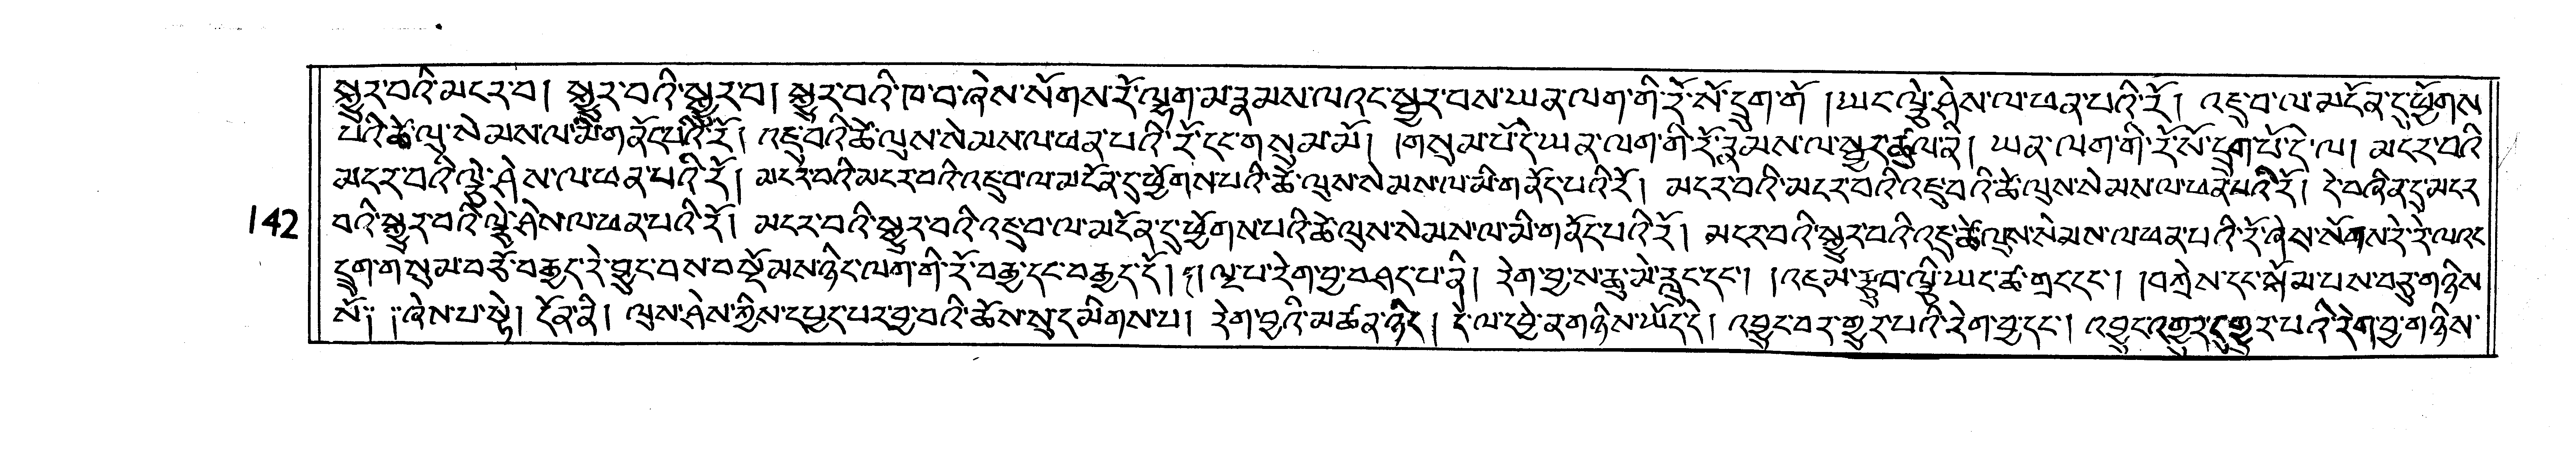སྐྱུར་བའི་མངར་བ། སྐྱུར་བའི་སྐྱུར་བ། སྐྱུར་བའི་ཁ་བ་ཞེས་སོགས་རོ་ལྷག་མ་རྣམས་ལའང་སྦྱར་བས་ཡན་ལག་གི་རོ་སོ་དྲུག་གོ། །ཡང་ལྕེ་ཤེས་ལ་ཕན་པའི་རོ། འཇུ་བ་ལ་མངོན་དུ་ཕྱོགས་
པའི་ཚེ་ལུ་སེམས་ལ་མི་གནོད་པའི་རོ། །འཇུ་བའི་ཚེ་ལུས་སེམས་ལ་ཕན་པའི་རོ་དང་གསུམ་མོ། །གསུམ་པོ་དེ་ཡན་ལག་གི་རོ་རྣམས་ལ་སྦྱར་ཚུལ་ནི། ཡན་ལག་གི་རོ་སོ་དྲུག་པོ་དེ་ལ། མངར་བའི་
མངར་བའི་ལྕེ་ཤེས་ལ་ཕན་པའི་རོ། མངར་བའི་མངར་བའི་འཇུ་བ་ལ་མངོན་དུ་ཕྱོགས་པའི་ཚེ་ལུས་སེམས་ལ་མི་གནོད་པའི་རོ། མངར་བའི་མངར་བའི་འཇུ་བའི་ཚེ་ལུས་སེམས་ལ་ཕན་པའི་རོ། དེ་བཞིན་དུ་མངར་
པའི་སྐྱུར་བའི་ལྕེ་ཤེས་ལ་ཕན་པའི་རོ། མངར་བའི་སྐྱུར་བའི་འཇུ་བ་ལ་མངོན་དུ་ཕྱོགས་པའི་ཚེ་ལུས་སེམས་ལ་མི་གནོད་པའི་རོ། མངར་བའི་སྐྱུར་བའི་འཇུ་ཚེ་ལུས་སེམས་ལ་ཕན་པའི་རོ་ཞེས་སོགས་རེ་རེ་ལའང་
དྲུག་གསུམ་བཅོ་བརྒྱད་རེ་བྱུང་བས་བསྡོམས་ཉིད་ལག་གི་རོ་བརྒྱ་དང་བརྒྱད་དོ། ༈ །ལྔ་པ་རེག་བྱ་བཤད་པ་ནི། རེག་བྱ་ས་ཆུ་མེ་རླུང་དང་། །འཇམ་རྩུབ་ལྕི་ཡང་ཚ་གྲང་དང་། །བཀྲེས་དང་སྐོམ་པས་བཅུ་གཉིས་
སོ༑ ༑ཞེས་པ་སྟེ། དོན་ནི། ལུས་ཤེས་ཀྱིས་དཔྱད་པར་བྱ་བའི་ཆོས་སུ་དམིགས་པ། རེག་བྱའི་མཚན་ཉིད། དེ་ལ་དབྱེ་ན་གཉིས་ཡོད་དེ། འབྱུང་བར་གྱུར་པའི་རེག་བྱ་དང་། འབྱུང་འགྱུར་དུ་གྱུར་པའི་རེག་བྱ་གཉིས་